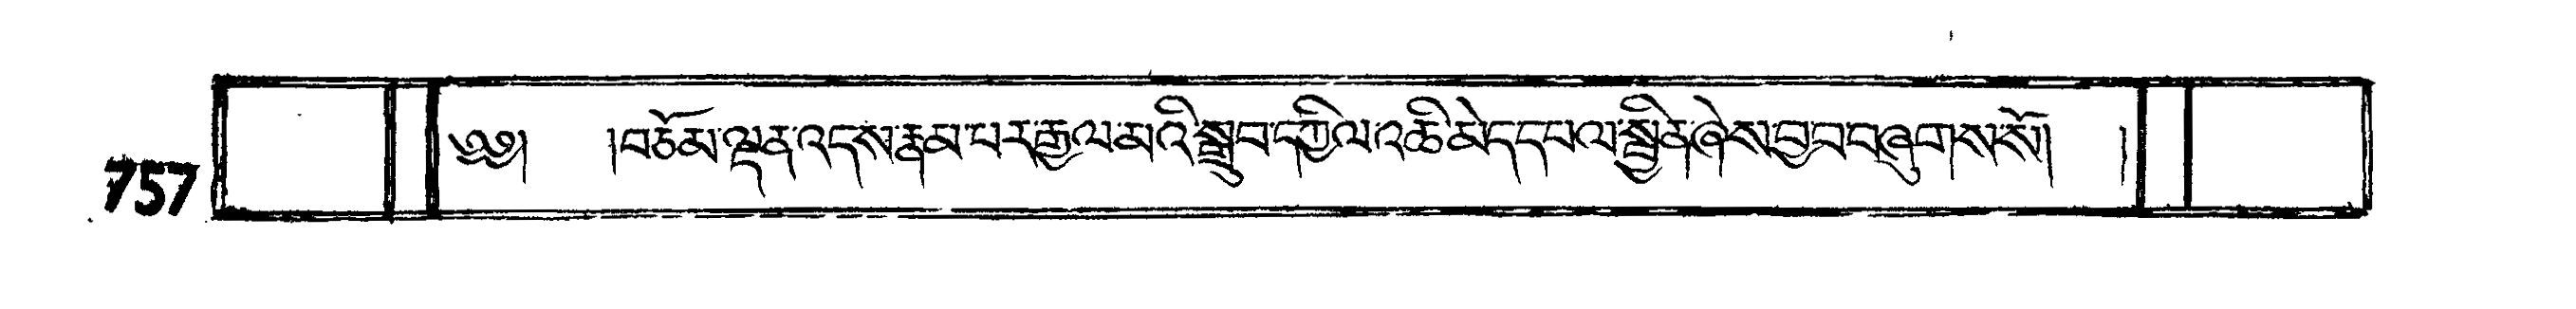༄༅། །བཅོམ་ལྡན་འདས་རྣམ་པར་རྒྱལ་མའི་སྒྲུབ་དཀྱིལ་འཆི་མེད་དཔལ་སྦྱིན་ཞེས་བྱ་བ་བཞུགས་སོ། །